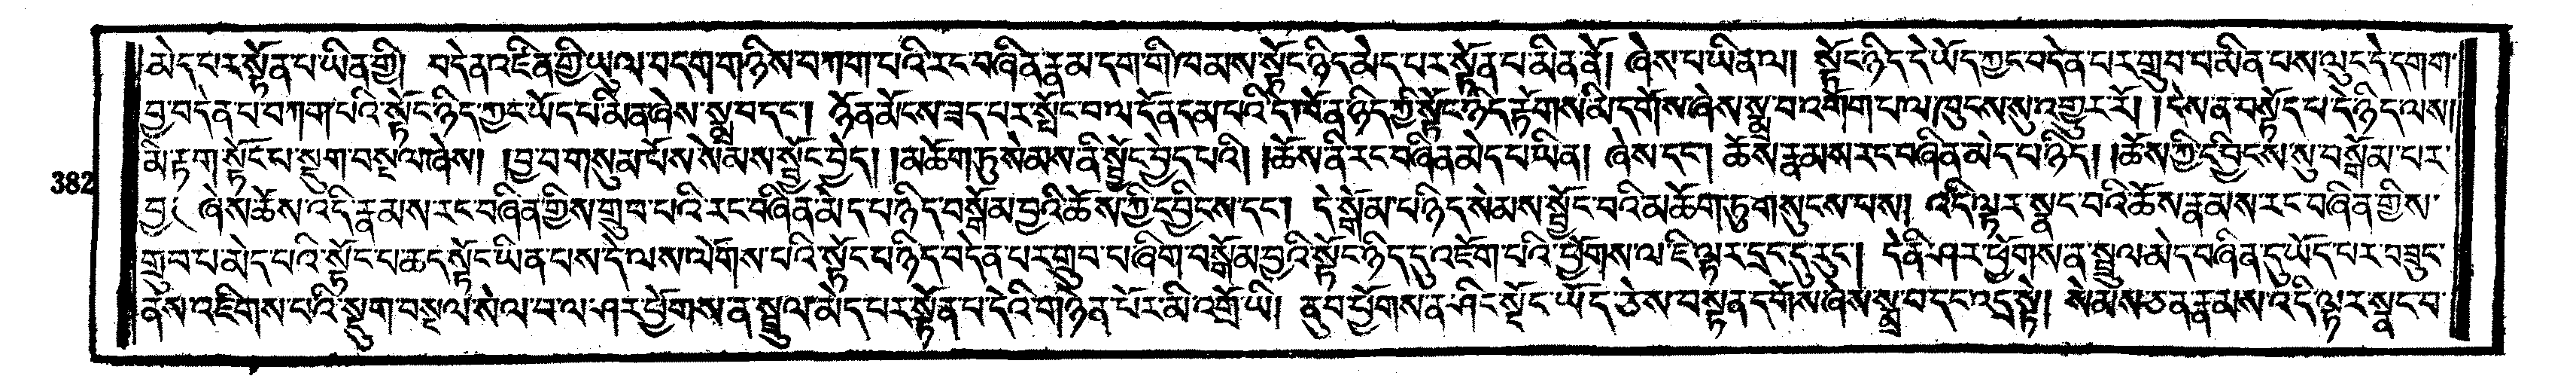མེད་པར་སྟོན་པ་ཡིན་གྱི། བདེན་འཛིན་གྱི་ཡུལ་བདག་གཉིས་བཀག་པའི་རང་བཞིན་རྣམ་དག་གི་ཁམས་སྟོང་ཉིད་མེད་པར་སྟོན་པ་མིན་ནོ། ཞེས་པ་ཡིན་ལ། སྟོང་ཉིད་དེ་ཡོད་ཀྱང་བདེན་པར་གྲུབ་བ་མིན་པས་ལུང་དེ་དགག་
བྱ་བདེན་པ་བཀག་པའི་སྟོང་ཉིད་ཀྱང་ཡོད་པ་མིན་ཞེས་སྨྲ་བ་དང་། ཉོན་མོངས་ཟད་པར་སྤོང་བ་ལ་དོན་དམ་པའི་དེ་ཁོ་ན་ཉིད་ཀྱི་སྟོང་ཉིད་རྟོགས་མི་དགོས་ཞེས་སྨྲ་བ་འགོག་པ་ལ་ཁུངས་སུ་འགྱུར་རོ། །དེས་ན་བསྟོད་པ་དེ་ཉིད་ལས།
མི་རྟག་སྟོང་པ་སྡུག་བསྔལ་ཞེས། །བྱ་བ་གསུམ་པོས་སེམས་སྦྱོང་བྱེད། །མཆོག་ཏུ་སེམས་ནི་སྦྱོང་བྱེད་པའི། །ཆོས་ནི་རང་བཞིན་མེད་པ་ཡིན། ཞེས་དང་། ཆོས་རྣམས་རང་བཞིན་མེད་པ་ཉིད། །ཆོས་ཀྱི་དབྱིངས་སུ་བསྒོམ་པར་
བྱ༑ ཞེས་ཆོས་འདི་རྣམས་རང་བཞིན་གྱིས་གྲུབ་པའི་རང་བཞིན་མེད་པ་ཉིད་བསྒོམ་བྱའི་ཆོས་ཀྱི་དབྱིངས་དང་། དེ་སྒོམ་པ་ཉིད་སེམས་སྦྱོང་བའི་མཆོག་ཏུ་གསུངས་པས། འདི་ལྟར་སྣང་བའི་ཆོས་རྣམས་རང་བཞིན་གྱིས་
གྲུབ་པ་མེད་པའི་སྟོང་པ་ཆད་སྟོང་ཡིན་པས་དེ་ལས་ལོགས་པའི་སྟོང་པ་ཉིད་བདེན་པར་གྲུབ་པ་ཞིག་བསྒོམ་བྱའི་སྟོང་ཉིད་དུ་འཇོག་པའི་ཕྱོགས་ལ་ཇི་ལྟར་དྲང་དུ་རུང་། དེ་ནི་ཤར་ཕྱོགས་ན་སྦྲུལ་མེད་བཞིན་དུ་ཡོད་པར་བཟུང་
ནས་འཇིགས་པའི་སྡུག་བསྔལ་སེལ་པ་ལ་ཤར་ཕྱོགས་ན་སྦྲུལ་མེད་པར་སྟོན་པ་དེའི་གཉེན་པོར་མི་འགྲོ་ཡི། ནུབ་ཕྱོགས་ན་ཤིང་སྡོང་ཡོད་ཅེས་བསྟན་དགོས་ཞེས་སྨྲ་བ་དང་འདྲ་སྟེ། སེམས་ཅན་རྣམས་འདི་ལྟར་སྣང་བ་